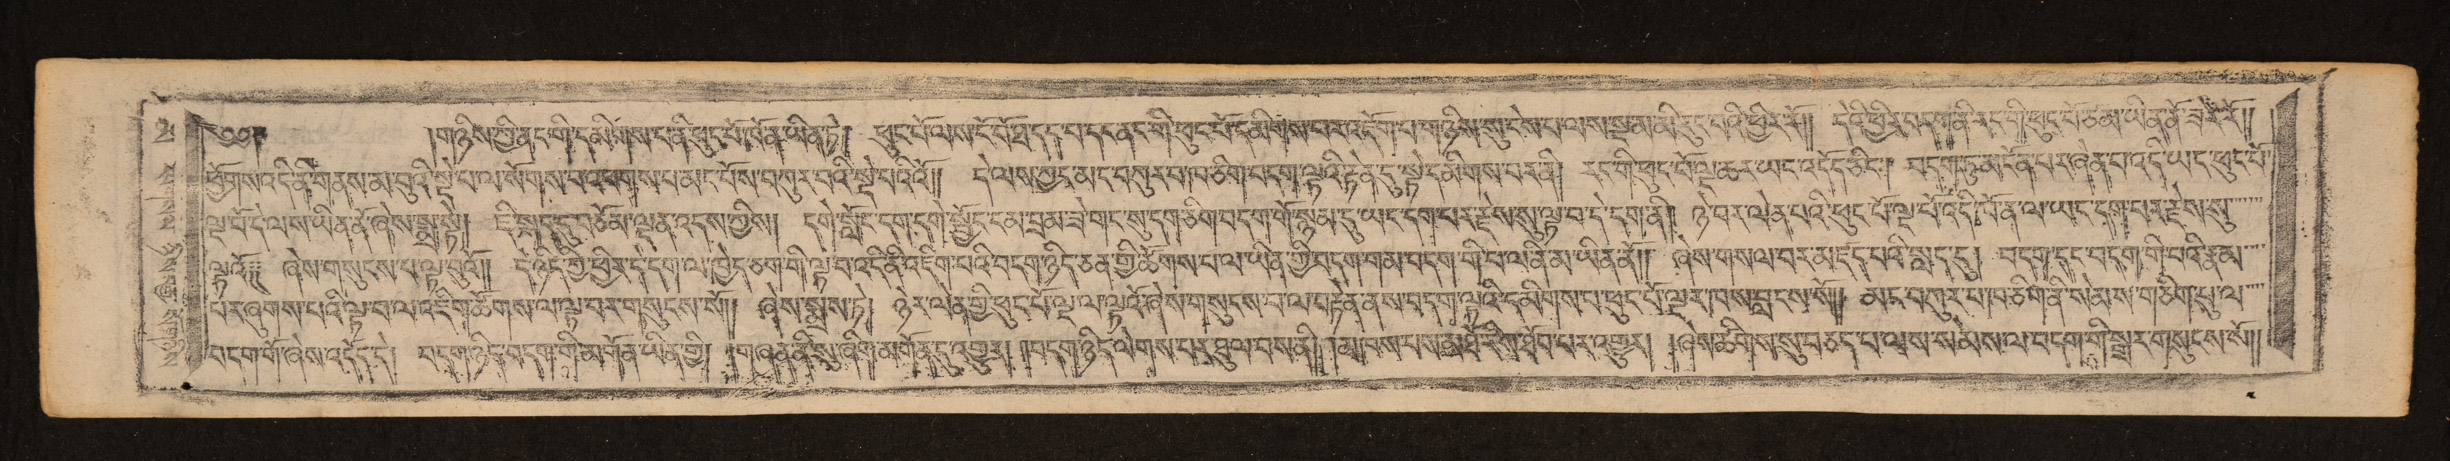༄༅། །གཉིས་ཀྱི་ནང་གི་དམིགས་པ་ནི་ཕུང་པོ་ཁོ་ན་ཡིན་ཏེ། ཕུང་པོ་ལས་ངོ་བོ་ཐ་དད་པ་དང་ནང་གི་ཕུང་པོ་དམིགས་པར་འཇོག་པ་གཉིས་སུ་ངེས་པ་ལས་སྔ་མ་མི་རུང་བའི་ཕྱིར་རོ།། དེའི་ཕྱིར་བདག་ནི་རང་གི་ཕུང་པོ་ཙམ་ཡིན་ནོ་ཟེར་རོ།།
ཕྱོགས་འདི་ནི་གནས་མ་བུའི་སྡེ་པ་ལ་སོགས་པ་འཕགས་པ་མང་པོས་བཀུར་བའི་སྡེ་པའི་འོ།། དེ་ལས་ཀྱང་མང་བཀུར་བ་ཁ་ཅིག་བདག་ལྟའི་རྟེན་དུ་སྟེ་དམིགས་པར་ནི། རང་གི་ཕུང་པོ་ལྔ་ཆར་ཡང་འདོད་ཅིང་། བདག་ཏུ་མངོན་པར་ཞེན་པ་འདི་ཡང་ཕུང་པོ་
ལྔ་པོ་དེ་ལས་ཡིན་ནོ་ཞེས་སྨྲ་སྟེ། ཇི་སྐད་དུ་བཅོམ་ལྡན་འདས་ཀྱིས། དགེ་སློང་དག་དགེ་སྦྱོང་ངམ་བྲམ་ཟེ་གང་སུ་དག་ཅིག་བདག་གོ་སྙམ་དུ་ཡང་དག་པར་རྗེས་སུ་ལྟ་བ་དེ་དག་ནི། ཉེ་བར་ལེན་པའི་ཕུང་པོ་ལྔ་པོ་འདི་ཁོ་ན་ལ་ཡང་དག་པར་རྗེས་སུ་
ལྟའོ༑༑ ཞེས་གསུངས་པ་ལྟ་བུའོ།། དེ་ཉིད་ཀྱི་ཕྱིར་དེ་དག་ལ་ཁྱེད་ཅག་གི་ལྟ་བ་འདི་ནི་འཇིག་པའི་བདག་ཉིད་ཅན་གྱི་ཚོགས་པ་ལ་ཡིན་གྱི་བདག་གམ་བདག་གི་བ་ལ་ནི་མ་ཡིན་ནོ།། ཞེས་གསལ་བར་མཛད་པའི་སླད་དུ། བདག་དང་བདག་གི་བའི་རྣམ་
པར་ཞུགས་པའི་ལྟ་བ་ལ་འཇིག་ཚོགས་ལ་ལྟ་བར་གསུངས་སོ།། ཞེས་སྨྲས་ཏེ། ཉེར་ལེན་གྱི་ཕུང་པོ་ལྔ་ལ་ལྟའོ་ཞེས་གསུངས་པ་ལ་བརྟེན་ནས་བདག་ལྟའི་དམིགས་པ་ཕུང་པོ་ལྔར་ཁས་བླངས་སོ།། མང་བཀུར་བ་ཁ་ཅིག་ནི་སེམས་གཅིག་པུ་ལ་
བདག་གོ་ཞེས་འདོད་དེ། བདག་ཉིད་བདག་གི་མགོན་ཡིན་གྱི། །གཞན་ནི་སུ་ཞིག་མགོན་དུ་འགྱུར། །བདག་ཉིད་ལེགས་པར་ཐུལ་བས་ནི། །མཁས་པས་མཐོ་རིས་ཐོབ་པར་འགྱུར། །ཞེས་ཚིགས་སུ་བཅད་པ་ལས་སེམས་ལ་བདག་གི་སྒྲར་གསུངས་སོ།།